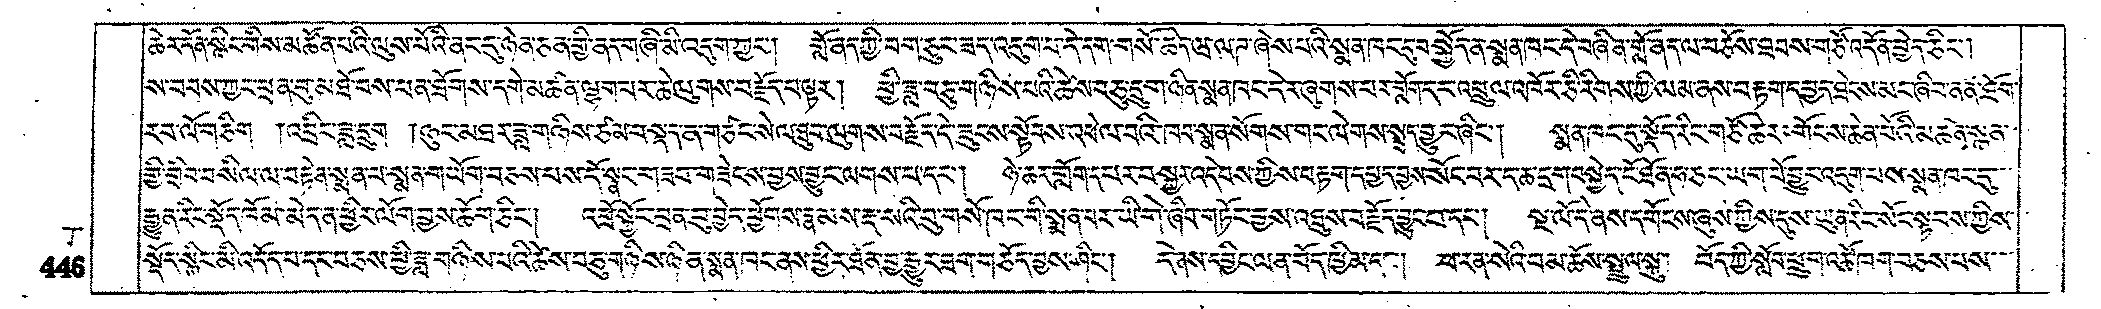ཆེར་དོན་སྙིང་གིས་མཚོན་པའི་ལུས་པོའི་ནང་དུ་ཉེན་ཅན་གྱི་ནད་གཞི་མི་འདུག་ཀྱང་། གློ་ནད་ཀྱི་བག་ཅུང་ཟད་འདུག་པ་དེ་དག་གསོ་ཆེད་ཝ་ལ་ཌ་ཞེས་པའི་སྨན་ཁང་དུ་བསྐྱོད་ན་སྨན་ཁང་དེ་བཞིན་གློ་ནད་ལ་བཅོས་ཐབས་གཙོ་འདོན་བྱེད་ཅིང་།
ས་བབས་ཀྱང་ཕྲན་བུ་མཐོ་བས་ཕན་ཐོགས་དགེ་མཚན་ལྷག་པར་ཆེ་ལུགས་བརྗོད་པ་ལྟར། ཕྱི་ཟླ་བཅུ་གཉིས་པའི་ཚེས་བཅུ་དྲུག་ཉིན་སྨན་ཁང་དེར་ཞུགས་པར་གློག་དང་འཕྲུལ་འཁོར་ཅི་རིགས་ཀྱི་ལམ་ནས་བརྟག་དཔྱད་ཐེངས་མང་ཞིབ་ནན་ཐོག་
རབ་ལོ་གཅིག །འབྲིང་ཟླ་དྲུག །ཉུང་མཐར་ཟླ་གཉིས་ཙམ་བསྡད་ན་གཙང་སེལ་ཐུབ་ལུགས་བརྗོད་དེ་ཟུངས་སྟོབས་འཕེལ་བའི་ཁབ་སྨན་སོགས་གང་ལེགས་སྤྲད་བྱུང་ཞིང་། སྨན་ཁང་དུ་སྡོད་རིང་གཙོ་ཆེར ༧གོང་ས་ཆེན་པོའི་མཚན་སྙན་
གྱི་གྲིབ་བསིལ་ལ་བརྟེན་སྨན་པ་སྨན་གཡོག་བཅས་པས་དོ་སྣང་གཟབ་གཟེངས་བྱས་བྱུང་ལགས་པ་དང་། ཉེ་ཆར་གློག་དཔར་བསྐྱར་འདེབས་ཀྱིས་བརྟག་དཔྱད་བྱས་སོང་བར་ད་ཆ་དྲག་བསྐྱེད་ངོ་ཐོན་ཧ་ཅང་ཡག་པོ་བྱུང་འདུག་པས་སྨན་ཁང་དུ་་་
རྒྱུན་རིང་སྡོད་ཁོམ་མེད་ན་ཕྱིར་ལོག་བྱས་ཆོག་ཅིང་། འཕྲོ་སྐྱོང་ཕྲན་བུ་བྱེད་ཕྱོགས་རྣམས་རྡ་སའི་བུ་གསོ་ཁང་གི་སྨན་པར་ཡི་གེ་ཞིབ་གཏོང་བྱས་འཐུས་བརྗོད་བྱུང་བ་དང་། སྔ་ལོ་དེ་ནས་དགོངས་ཞུས་ཀྱིས་དུས་ཡུན་རིང་སོང་སྟབས་ཀྱིས་
སྡོད་སྙིང་མི་འདོད་པ་དང་བཅས་ཕྱི་ཟླ་གཉིས་པའི་ཚེས་བཅུ་གཉིས་ཉིན་སྨན་ཁང་ནས་ཕྱིར་ཐོན་བྱ་རྒྱུར་ཐག་གཅོད་བྱས་ཤིང་། དེ་ནས་དབྱིང་ལན་བོད་ཁྱིམ་དང་། ཕ་རན་སེའི་བམ་ཆོས་སྤྲུལ་སྐུ། བོད་ཀྱི་སློབ་ཕྲུག་འཚོ་ཁག་བཅས་པས་་་